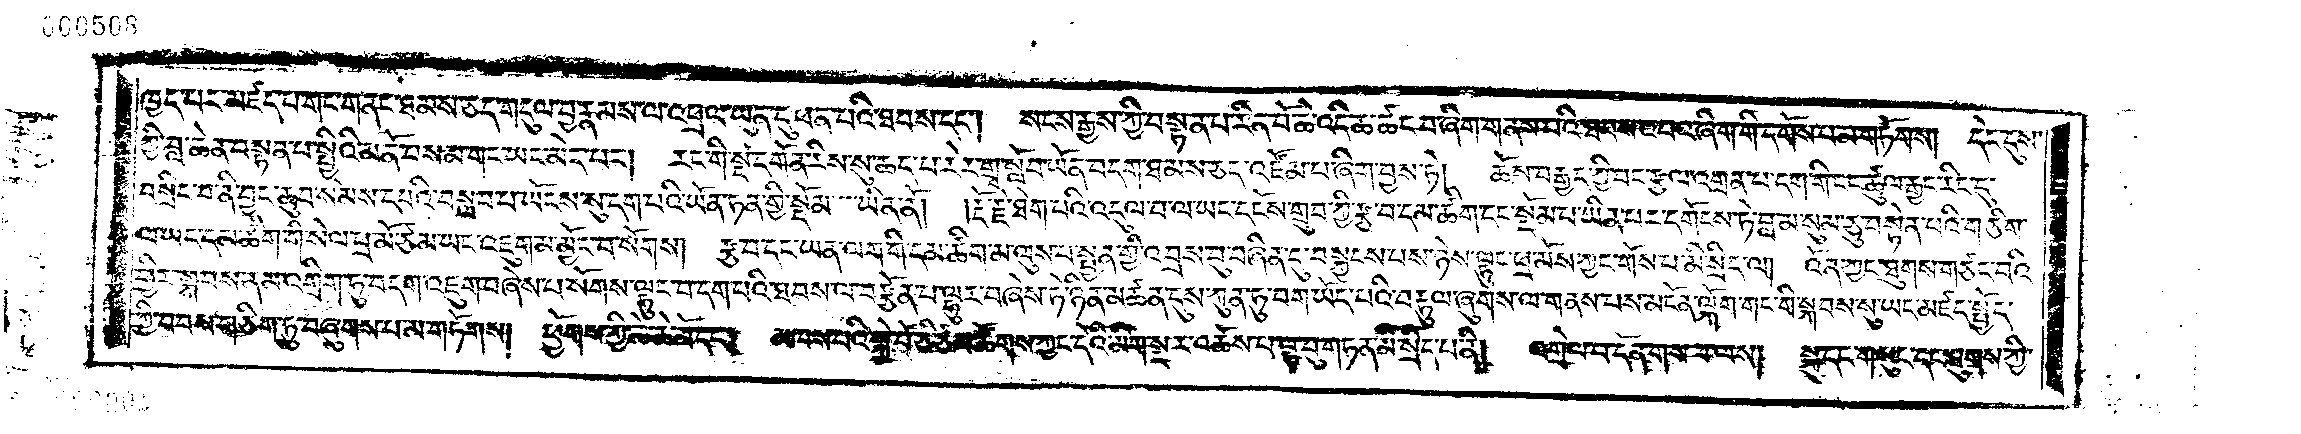ཁྱད་པར་མཛད་པ་གང་གནང་ཐམས་ཅད་གདུལ་བྱ་རྣམས་ལ་འཕྲལ་ཡུན་དུ་ཕན་པའི་ཐབས་དང་། སངས་རྒྱས་ཀྱི་བསྟན་པ་རིན་པོ་ཆེ་འདི་ཆ་ཚང་བ་ཞིག་གནས་པའི་ཐབས་འབའ་ཞིག་གི་དགོས་པ་མ་གཏོགས། དེང་དུས་
ཀྱི་བླ་ཆེན་བསྟན་པ་སྤྱིའི་མནོ་བསམ་གང་ཡང་མེད་པར། རང་གི་སྔེ་དགོན་རིས་སུ་ཆད་པ་རེར་གྲྭ་སློབ་ཡོན་བདག་ཐམས་ཅད་འཛོམ་པ་ཞིག་བྱས་ཏེ། ཆོས་བརྒྱད་ཀྱི་བང་རྩལ་འགྲན་པ་དག་གི་ངང་ཚུལ་རྒྱང་རིང་དུ་
བསྲིང་བ་ནི་བྱང་ཆུབ་སེམས་དཔའི་བསླབ་པ་ཡོངས་སུ་དག་པའི་ཡོན་ཏན་གྱི་སྡོམ་ཡིན་ནོ། །རྡོ་རྗེ་ཐེག་པའི་འདུལ་བ་ལ་ཡང་དངོས་གྲུབ་ཀྱི་རྩ་བ་དམ་ཚིག་དང་སྡོམ་པ་ཡིན་པར་དགོངས་ཏེ་བླ་མ་སུམ་ཅུ་བསྟེན་པའི་གཅིག་
ལ་ཡང་དམ་ཚིག་གི་སེལ་ཕྲ་མོ་ཙམ་ཡང་འཇུག་མ་མྱོང་བ་སོགས། རྩ་བ་དང་ཡན་ལག་གི་དམ་ཚིག་མ་ལུས་པ་སྤྱན་གྱི་འབྲས་བུ་བཞིན་དུ་བསྐྱངས་པས་ཉེས་ལྟུང་ཕྲ་མོས་ཀྱང་གོས་པ་མི་སྲིད་ལ། འོན་ཀྱང་ཐུགས་གཙང་བའི་
ཕྱིར་སྐབས་ནམ་འགྲིག་ཏུ་བདག་འཇུག་བ་ཞེས་པ་སོགས་ལྟུང་བ་དག་པའི་ཐབས་ལ་བརྩོན་པ་ལྷུར་བཞེས་ཏེ་ཉིན་མཚན་དུས་ཀུན་ཏུ་བག་ཡོད་པའི་བརྟུལ་ཞུགས་ལ་གནས་པས་མངོན་ལྐོག་གང་གི་སྐབས་སུ་ཡང་མཛད་སྤྱོད་
ཀྱི་བབས་གཅིག་ཏུ་བཞུགས་པ་མ་གཏོགས། ཕྱོགས་ཀྱི་ཆེ་ཆེ་མོ་དང་། མཁས་པའི་སྐྱེ་པོ་ཅི་ཙམ་ཚོགས་ཀྱང་དེའི་མིག་སྔར་འཆོས་པ་ལྟ་བུ་གཏན་མི་སྲིད་པ་ནི། འགྲེལ་པ་དོན་གསལ་ལས། སྐུ་དང་གསུང་དང་ཐུགས་ཀྱི་